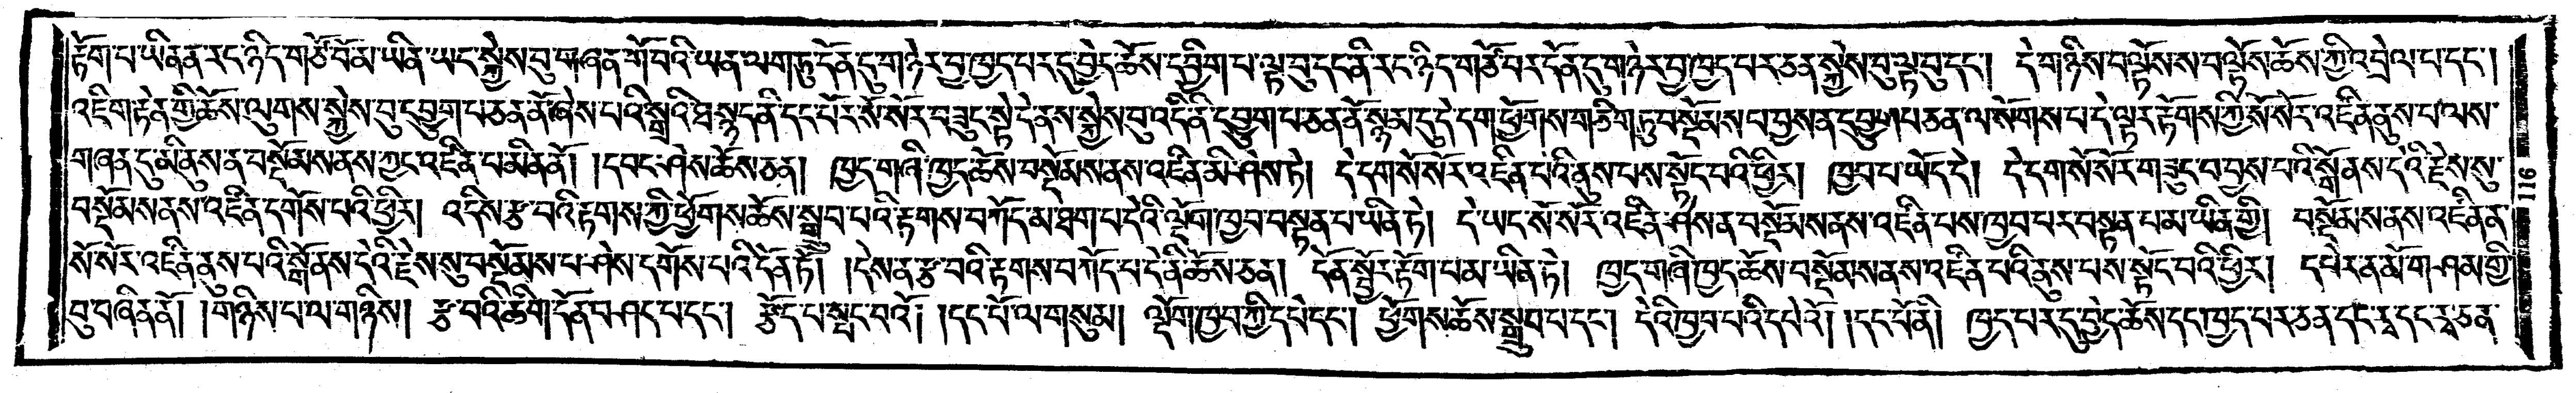རྟོག་པ་ཡིན་ན་རང་ཉིད་གཙོ་བོ་མ་ཡིན་ཡང་སྐྱེས་བུ་གཞན་གོ་བའི་ཡན་ལག་ཏུ་དོན་དུ་གཉེར་བྱ་ཁྱད་པར་དུ་བྱེད་ཆོས་དབྱིག་པ་ལྟ་བུ་དང་ནི་རང་ཉིད་གཙོ་བར་དོན་དུ་གཉེར་བྱ་ཁྱད་པར་ཅན་སྐྱེས་བུ་ལྟ་བུ་དང་། དེ་གཉིས་བལྟོས་ས་བལྟོས་ཆོས་ཀྱི་འབྲེལ་པ་དང་།
འཇིག་རྟེན་གྱི་ཆོས་ལུགས་སྐྱེས་བུ་དབྱུག་པ་ཅན་ནོ་ཞེས་པའི་སྒྲའི་ཐ་སྙད་ནི་དང་པོར་སོ་སོར་བཟུང་སྟེ་དེ་ནས་སྐྱེས་བུ་འདི་ནི་དབྱུག་པ་ཅན་ནོ་སྙམ་དུ་དེ་དག་ཕྱོགས་གཅིག་ཏུ་བསྡོམས་པ་བྱས་ན་དབྱུག་པ་ཅན་ལ་སོགས་པ་དེ་ལྟར་རྟོགས་ཀྱི་སོ་སོར་འཛིན་ནུས་པ་ལས་
གཞན་དུ་མི་ནུས་ན་བསྡོམས་ནས་ཀྱང་འཛིན་པ་མིན་ནོ། །དབང་ཤེས་ཆོས་ཅན། ཁྱད་གཞི་ཁྱད་ཆོས་བསྡོམས་ནས་འཛིན་མི་ཤེས་ཏེ། དེ་དག་སོ་སོར་འཛིན་པའི་ནུས་པས་སྟོང་པའི་ཕྱིར། ཁྱབ་པ་ཡོད་དེ། དེ་དག་སོ་སོར་གཟུང་བ་བྱས་པའི་སྒོ་ནས་དེའི་རྗེས་སུ་
བསྡོམས་ནས་འཛིན་དགོས་པའི་ཕྱིར། འདིས་རྩ་བའི་རྟགས་ཀྱི་ཕྱོགས་ཆོས་སྒྲུབ་པའི་རྟགས་བཀོད་མ་ཐག་པ་དེའི་ལྡོག་ཁྱབ་བསྟན་པ་ཡིན་ཏེ། དེ་ཡང་སོ་སོར་འཛིན་ཤེས་ན་བསྡོམས་ནས་འཛིན་པས་ཁྱབ་པར་བསྟན་པ་མ་ཡིན་གྱི། བསྡོམས་ནས་འཛིན་ན་
སོ་སོར་འཛིན་ནུས་པའི་སྒོ་ནས་དེའི་རྗེས་སུ་བསྡོམས་པ་ཤེས་དགོས་པའི་དོན་ཏོ། །དེས་ན་རྩ་བའི་རྟགས་བཀོད་པ་དེ་ནི་ཆོས་ཅན། དོན་སྦྱོར་རྟོག་པ་མ་ཡིན་ཏེ། ཁྱད་གཞི་ཁྱད་ཆོས་བསྡོམས་ནས་འཛིན་པའི་ནུས་པས་སྟོང་བའི་ཕྱིར། དཔེར་ན་མོ་གཤམ་གྱི་
བུ་བཞིན་ནོ། །གཉིས་པ་ལ་གཉིས། རྩ་བའི་ཚིག་དོན་བཤད་པ་དང་། རྩོད་པ་སྤང་བའོ། །དང་པོ་ལ་གསུམ། ལྡོག་ཁྱབ་ཀྱི་དཔེ་དང་། ཕྱོགས་ཆོས་སྒྲུབ་པ་དང་། དེའི་ཁྱབ་པའི་དཔེའོ། །དང་པོ་ནི། ཁྱད་པར་དུ་བྱེད་ཆོས་དང་ཁྱད་པར་ཅན་དང་རྭ་དང་རྭ་ཅན་